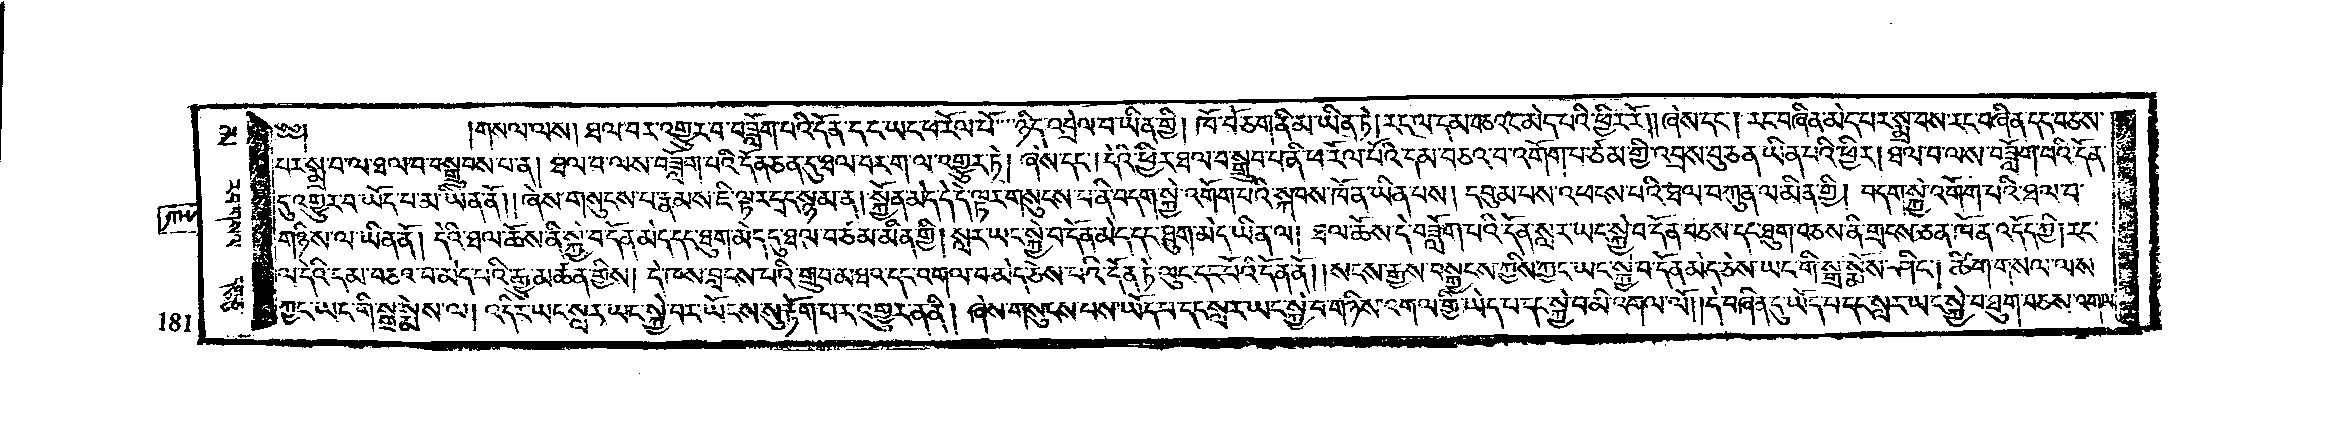༄༅། །གསལ་ལས། ཐལ་བར་འགྱུར་བ་བཟློག་པའི་དོན་དང་ཡང་ཕ་རོལ་པོ་ཉིད་འབྲེལ་བ་ཡིན་གྱི། ཁོ་བོ་ཅག་ནི་མ་ཡིན་ཏེ། རང་ལ་དམ་བཅའ་བ་མེད་པའི་ཕྱིར་རོ། །ཞེས་དང་། རང་བཞིན་མེད་པར་སྨྲ་བས་རང་བཞིན་དང་བཅས་
པར་སྨྲ་བ་ལ་ཐལ་བ་བསྒྲུབས་པ་ན། ཐལ་བ་ལས་བཟློག་པའི་དོན་ཅན་དུ་ཐལ་བར་ག་ལ་འགྱུར་ཏེ། ཞེས་དང་། དེའི་ཕྱིར་ཐལ་བ་སྒྲུབ་པ་ནི་ཕ་རོལ་པོའི་དམ་བཅའ་བ་འགོག་པ་ཙམ་གྱི་འབྲས་བུ་ཅན་ཡིན་པའི་ཕྱིར། ཐལ་བ་ལས་བཟློག་པའི་དོན་
དུ་འགྱུར་བ་ཡོད་པ་མ་ཡིན་ནོ། །ཞེས་གསུངས་པ་རྣམས་ཇི་ལྟར་དྲང་སྙམ་ན། སྐྱོན་མེད་དེ་དེ་ལྟར་གསུངས་པ་ནི་བདག་སྐྱེ་འགོག་པའི་སྐབས་ཁོ་ན་ཡིན་པས། དབུ་མ་པས་འཕངས་པའི་ཐལ་བ་ཀུན་ལ་མིན་གྱི། བདག་སྐྱེ་འགོག་པའི་ཐལ་བ་
གཉིས་ལ་ཡིན་ནོ། དེའི་ཐལ་ཆོས་ནི་སྐྱེ་བ་དོན་མེད་དང་ཐུག་མེད་དུ་ཐལ་བ་ཙམ་མིན་གྱི། སླར་ཡང་སྐྱེ་བ་དོན་མེད་དང་ཐག་མེད་ཡིན་ལ། ཐལ་ཆོས་དེ་བཟློག་པའི་དོན་སླར་ཡང་སྐྱེ་བ་དོན་བཅས་དང་ཐུག་བཅས་ནི་གྲངས་ཅན་ཁོ་ན་འདོད་ཀྱི། རང་
ལ་དེའི་དམ་བཅའ་བ་མེད་པའི་རྒྱུ་མཚན་གྱིས། དེ་ཁས་བླངས་པའི་གྲུབ་མཐའ་དང་འགལ་བ་མེད་ཅེས་པའི་དོན་ཏེ་ལུང་དང་པོའི་དོན་ནོ། །སངས་རྒྱས་བསྐྱངས་ཀྱིས་ཀྱང་ཡང་སྐྱེ་བ་དོན་མེད་ཅེས་ཡང་གི་སྒྲ་སྨོས་ཤིང་། ཚིག་གསལ་ལས་
ཀྱང་ཡང་གི་སྒྲ་སྨོས་ལ། འདིར་ཡང་སླར་ཡང་སྐྱེ་བར་ཡོངས་སུ་རྟོག་པར་འགྱུར་ན་ནི། ཞེས་གསུངས་པས་ཡོད་པ་དང་སླར་ཡང་སྐྱེ་བ་གཉིས་འགལ་གྱི་ཡོད་པ་དང་སྐྱེ་བ་མི་འགལ་ལོ། །དེ་བཞིན་དུ་ཡོད་པ་དང་སླར་ཡང་སྐྱེ་བ་ཐུག་བཅས་འགལ་